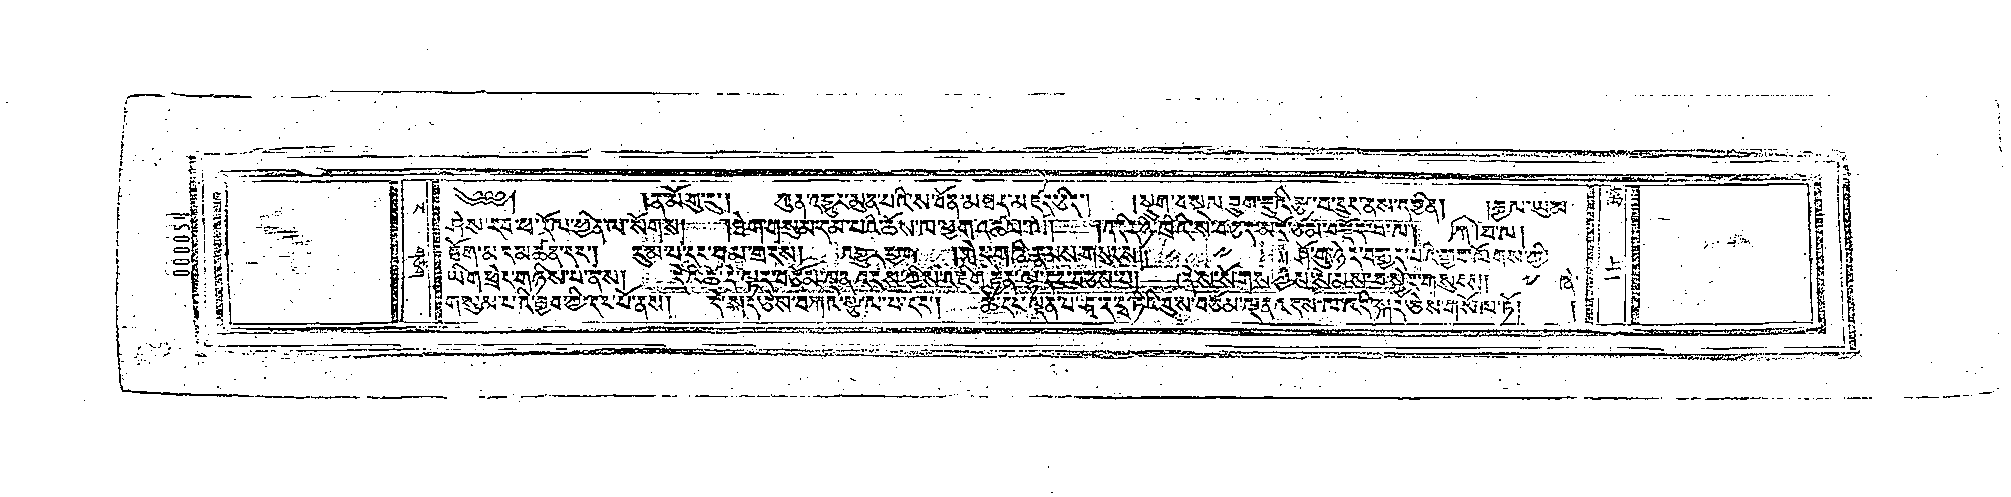༄༅༅། །ན་མོ་གུ་རུ། ཀུན་འབྱུང་མུན་པའི་ས་བོན་མཐར་མཛད་ཅིང་། །སྡུག་བསྔལ་བྲུག་རྔུའི་རྩ་བ་དྲུད་ནས་འབྱིན། །རྒྱལ་ཡུམ་
ཤེས་རབ་ཕ་རོལ་ཕྱིན་ལ་སོགས། །ཐེག་གསུམ་དམ་པའི་ཆོས་ལ་ཕྱག་འཚལ་ལོ། །འདིར་ཉི་ཁྲེའི་ས་བཅད་མདོ་ཙམ་བརྗོད་པ་ལ། ཀ྄་པ་ལ།
ཐོག་མར་མཚན་དང་། དུམ་པ་དང་བམ་གྲངས། འགྱུར་ཕྱག །གླེང་གཞི་རྣམས་གསུངས།། ༧་།།ཤོ་གུ་ཉེད་བརྒྱད་པའི་རྒྱབ་ལོགས་ཀྱི་
ཡིག་ཕྲེང་གཉིས་པ་ནས། དེའི་ཚེ་དེ་ལྟར་བཅོམ་ལྡན་འདས་ཀྱིས་འཇིག་རྟེན་ལྷ་དང་བཅས་པ། ཞེས་སོགས་ཀྱིས་སེམས་བསྐྱེད་གསུངས། ༧་ཞེ་
གསུམ་པའི་རྒྱབ་ཀྱི་དང་པོ་ནས། དེ་སྐད་ཅེས་བཀའ་སྩལ་བ་དང་། ཚེ་དང་ལྡན་པ་ཤཱ་ར་དྭ་ཏིའི་བུས་བཅོམ་ལྡན་འདས་ལ་འདི་སྐད་ཅེས་གསོལ་ཏོ། །